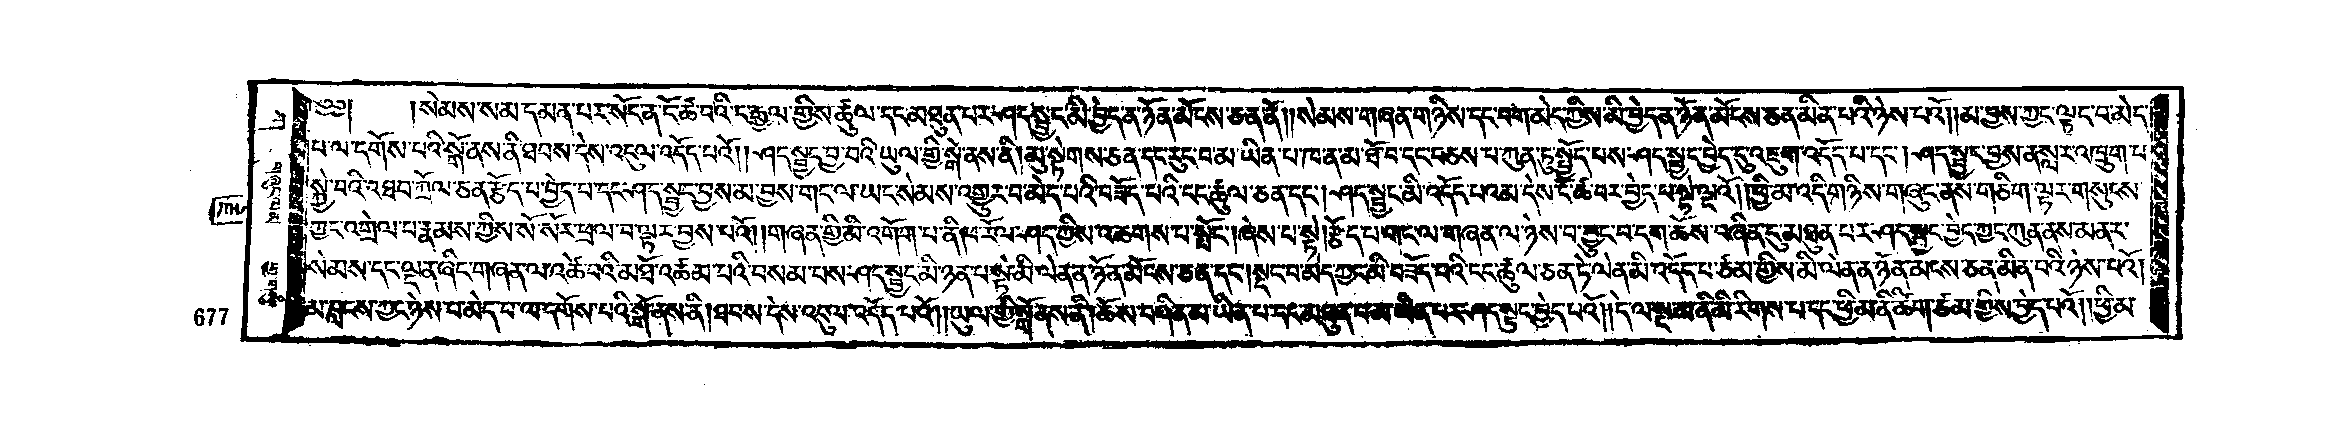༄༅། །སེམས་སམ་དམན་པར་སོང་ན་ངོ་ཚ་བའི་ང་རྒྱལ་གྱིས་ཚུལ་དང་མཐུན་པར་ཤད་སྦྱང་མི་བྱེད་ན་ཉོན་མོངས་ཅན་ནོ། །སེམས་གཞན་གཉིས་དང་བག་མེད་ཀྱིས་མི་བྱེད་ན་ཉོན་མོངས་ཅན་མིན་པའི་ཉེས་པའོ། །མ་བྱས་ཀྱང་ལྟུང་བ་མེད་
པ་ལ་དགོས་པའི་སྒོ་ནས་ནི་ཐབས་དེས་འདུལ་འདོད་པའོ། །ཤད་སྦྱང་བྱ་བའི་ཡུལ་གྱི་སྒོ་ནས་ནི། མུ་སྟེགས་ཅན་དང་རུང་བ་མ་ཡིན་པ་ཁ་ན་མ་ཐོ་བ་དང་བཅས་པ་ཀུན་ཏུ་སྤྱོད་པས་ཤད་སྦྱང་བྱེད་དུ་འཇུག་འདོད་པ་དང་། ཤད་སྦྱང་བྱས་ན་སླར་འཁྲུག་པ་
སྐྱེ་བའི་འཐབ་ཀྲོལ་ཅན་རྩོད་པ་བྱེད་པ་དང་ཤད་སྦྱང་བྱས་མ་བྱས་གང་ལ་ཡང་སེམས་འགྱུར་བ་མེད་པའི་བཟོད་པའི་ངང་ཚུལ་ཅན་དང་། ཤད་སྦྱང་མི་འདོད་པའམ་དེས་ངོ་ཚ་བར་བྱེད་པ་སྟེ་ལྔའོ། །ཕྱི་མ་འདི་གཉིས་གཞུང་ནས་གཅིག་ལྟར་གསུངས་
ཀྱང་འགྲེལ་པ་རྣམས་ཀྱིས་སོ་སོར་ཕྲལ་བ་ལྟར་བྱས་པའོ། །གཞན་གྱི་མི་འགོག་པ་ནི། ཕ་རོལ་ཤད་ཀྱིས་འཆགས་པ་སྤོང་། ཞེས་པ་སྟེ། རྩོད་པ་གང་ལ་གཞན་ལ་ཉེས་པ་བྱུང་བ་དག་ཆོས་བཞིན་དུ་མཐུན་པར་ཤད་སྦྱང་བྱེད་ཀྱང་ཀུན་ནས་མནར་
སེམས་དང་ལྡན་ཞིང་གཞན་ལ་འཚེ་བའི་མཐོ་འཚམ་པའི་བསམ་པས་ཤད་སྦྱང་མི་ཉན་པ་སྟེ་མི་ལེན་ན་ཉོན་མོངས་ཅན་དང་། སྡང་བ་མེད་ཀྱང་མི་བཟོད་པའི་ངང་ཚུལ་ཅན་ཏེ་ལེན་མི་འདོད་པ་ཙམ་གྱིས་མི་ལེན་ན་ཉོན་མོངས་ཅན་མིན་པའི་ཉེས་པའོ།
མ་བླངས་ཀྱང་ཉེས་པ་མེད་པ་ལ་དགོས་པའི་སྒོ་ནས་ནི། ཐབས་དེས་འདུལ་འདོད་པའོ། །ཡུལ་གྱི་སྒོ་ནས་ནི། ཆོས་བཞིན་མ་ཡིན་པ་དང་མཐུན་པ་མ་ཡིན་པར་ཤད་སྟུང་བྱེད་པའོ། །དེ་ལ་སྔ་མ་ནི་མི་རིགས་པ་དང་ཕྱི་མ་ནི་ཚིག་ཙམ་གྱིས་བྱེད་པའོ། །ཕྱི་མ་